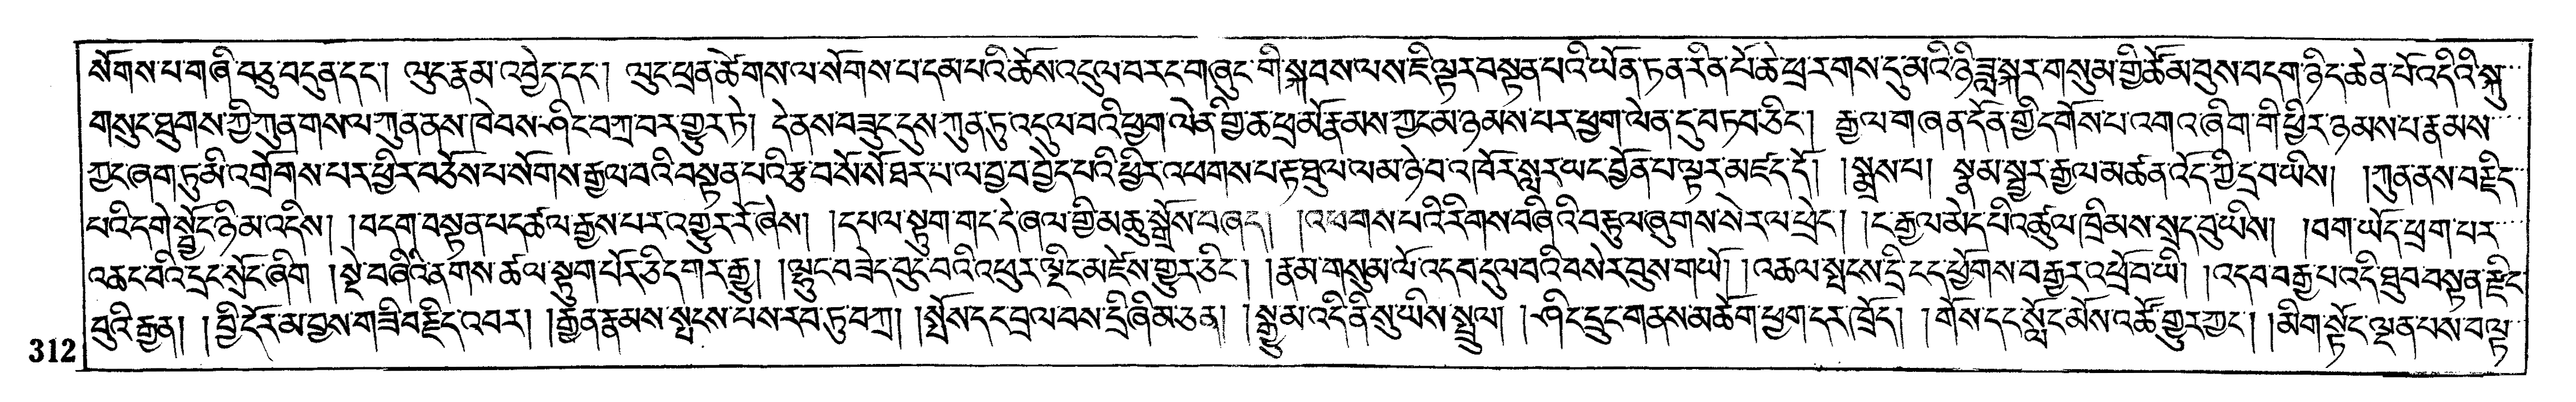སོགས་པ་གཞི་བཅུ་བདུན་དང་། ལུང་རྣམ་འབྱེད་དང་། ལུང་ཕྲན་ཚེགས་ལ་སོགས་པ་དམ་པའི་ཆོས་འདུལ་བ་རང་གཞུང་གི་སྐབས་ལས་ཇི་ལྟར་བསྟན་པའི་ཡོན་ཏན་རིན་པོ་ཆེ་ཕྲ་རགས་དུ་མའི་ཉི་ཟླ་སྐར་གསུམ་གྱི་ཚོམ་བུས་བདག་ཉིད་ཆེན་པོ་འདིའི་སྐུ་
གསུང་ཐུགས་ཀྱི་ཀུན་གསལ་ཀུན་ནས་ཁེབས་ཤིང་བཀྲ་བར་གྱུར་ཏེ། དེ་ནས་བཟུང་དུས་ཀུན་ཏུ་འདུལ་བའི་ཕྱག་ལེན་གྱི་ཆ་ཕྲ་མོ་རྣམས་ཀྱང་མ་ཉམས་པར་ཕྱག་ལེན་དུ་བཏབ་ཅིང་། རྒྱལ་གཞན་དོན་གྱི་དགོས་པ་འགའ་ཞིག་གི་ཕྱིར་ཉམས་པ་རྣམས་
ཀྱང་ཞག་ཏུ་མི་འགྲོགས་པར་ཕྱིར་བཅོས་པ་སོགས་རྒྱལ་བའི་བསྟན་པའི་རྩ་བ་སོ་སོ་ཐར་པ་ལ་བྱ་བ་བྱེད་པའི་ཕྱིར་འཕགས་པ་རྟ་ཐུལ་ལམ་ཉེ་བ་འཁོར་སླར་ཡང་བྱོན་པ་ལྟར་མཛད་དོ། །སྨྲས་པ། སྣམ་སྦྱར་རྒྱལ་མཚན་འོད་ཀྱི་དྲ་བ་ཡིས། །ཀུན་ནས་བརྗིད་
པའི་དགེ་སྦྱོང་ཉི་མ་འདིས། །བདག་བསྟན་པད་ཚལ་རྒྱས་པར་འགྱུར་རོ་ཞེས། །དཔལ་སྟུག་གང་དེ་ཞལ་གྱི་མཆུ་སྒྲོས་བཞད། །འཕགས་པའི་རིགས་བཞིའི་བརྟུལ་ཞུགས་སེ་རལ་ཕྲེང་། །ང་རྒྱལ་མེད་པའི་ཚུལ་ཁྲིམས་སྲད་བུ་ཡིས། །བག་ཡོད་ཕྲག་པར་
འཆང་བའི་དྲང་སྲོང་ཞིག །སྡེ་བཞིའི་ནགས་ཚལ་སྟུག་པོར་ཅི་དགར་རྒྱུ། །ལྷུང་བཟེད་བུང་བའི་འཕུར་ལྡིང་མཛེས་གྱུར་ཅིང་། །རྣམ་གསུམ་ལོ་འདབ་དུལ་བའི་བསེར་བུས་གཡོ། །འཆལ་སྤངས་དྲི་ངད་ཕྱོགས་བརྒྱར་འཕྲོ་བ་ཡི། །འདབ་བརྒྱ་པ་འདི་ཐུབ་བསྟན་རྫིང་
བུའི་རྒྱན། །བྱི་དོར་མ་བྱས་གཟི་བརྗིད་འབར། །རྒྱན་རྣམས་སྤངས་པས་རབ་ཏུ་བཀྲ། །སྤོས་དང་བྲལ་བས་དྲི་ཞིམ་ཅན། །སྒྱུ་མ་འདི་ནི་སུ་ཡིས་སྤྲུལ། །ཤིང་དྲུད་གནས་མཆོག་ཕྱག་དར་ཁྲོད། །གོས་དང་སློང་མོས་འཚོ་གྱུར་ཀྱང་། །མིག་སྟོང་ལྡན་པས་བལྟ་